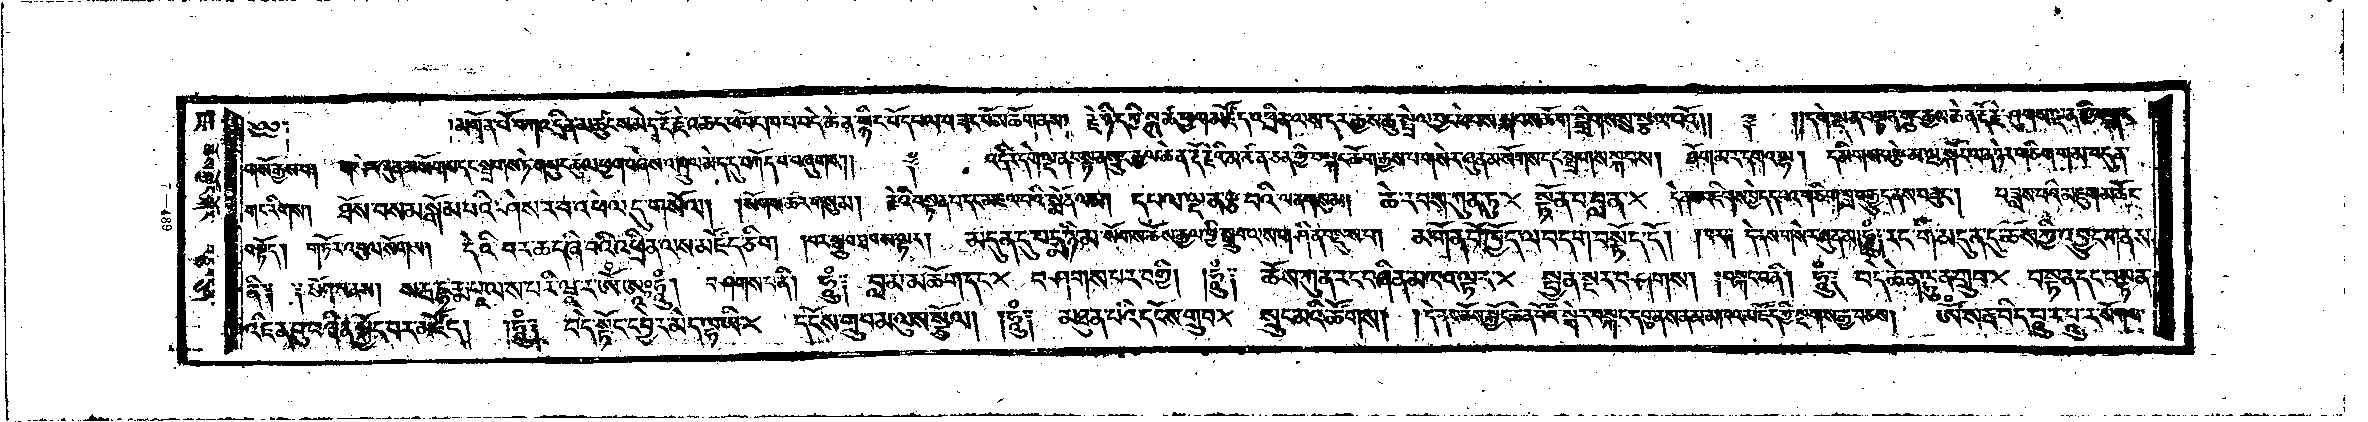༄༅། །མགོན་པོ་བཀའ་དྲིན་མཆུངས་མེད་རྡོ་རྗེ་འཆང་ཕ་བོང་ཁ་པ་བདེ་ཆེན་སྙིང་པོ་དཔལ་བཟང་པོ་མཆོག་ནས། རྗེ་ཉིད་ཀྱི་སྐུ་ཚ་ཕྱག་མཛོད་འཕྲིན་ལས་དར་རྒྱས་ཆུ་སྤྲེལ་བྱང་ཕེབས་སྐབས་ཆོག་སྒྲིགས་སུ་སྩལ་བའོ།། ༈ །།དགེ་ལྡན་བསྟན་སྲུང་རྒྱལ་ཆེན་རྡོ་རྗེ་ཤུགས་ལྡན་གྱི་བསྐང་
གསོ་རྒྱས་པ། གསེར་ཞུན་མ་སོགས་དང་སྦྲགས་ཏེ་གསུང་ཚུལ་ཕྱག་བཞེས་འཁྲུལ་མེད་དུ་བཀོད་པ་བཞུགས།། ༈ འདིར་དགེ་ལྡན་བསྟན་སྲུང་རྒྱལ་ཆེན་རྡོ་རྗེའི་མཚན་ཅན་གྱི་བསྐང་ཆོག་རྒྱས་པ་གསེར་ཞུན་མ་སོགས་དང་སྦྲགས་སྐབས། ཐོག་མར་དགའ་ལྷ། དམིགས་བརྩེ་མ་ལྔ་སྐོར་ལན་ཉེར་གཅིག་གམ་བདུན་
གང་རིགས། ཐོས་བསམ་སྒོམ་པའི་ཤེས་རབ་འཕེལ་དུ་གསོལ། །སོགས་ཚར་གསུམ། རྗེའི་བསྟན་པ་དང་མཇལ་བའི་སྨོན་ལམ།  དཔལ་ལྡན་རྩ་བའི་ལན་གསུམ།  ཚེ་རབས་ཀུན་ཏུ་྾་སྟོན་པ་བླ་ན་྾་དེ་ནས་འཇིགས་བྱེད་དཔའ་གཅིག་བླ་བརྒྱུད་ནས་བཟུང་། བཟླས་པའི་མཇུག་མཆོད་
བསྟོད། གཏོར་འབུལ་སོགས། དེའི་བར་ཆད་ཞི་བའི་འཕྲིན་ལས་མཛོད་ཅིག་།བར་སྒྲུབ་ཐབས་ལྟར།  མདུན་དུ་པདམ་ཉི་མ་སོགས་ཆོས་རྒྱལ་ཕྱི་སྒྲུབ་ལས་གཤིན་བསྡུས་པ།  མགོན་པོ་ཁྱོད་ལ་བདག་བསྟོད་དོ། །བར༑ དེ་ནས་གསེར་ཞུན་མ། ཧཱུཾ༑  རང་གི་མདུན་དུ་ཆོས་ཀྱི་འབྱུང་གནས་
ནི༑ ༑སོགས་ནས།  སརྦ་དྷརྨ་པཱ་ལ་ས་པ་རི་ལྩ?་ན་ཨོཾ་ཨཱཿཧཱུཾ། བཤགས་པ་ནི།  ཧཱུཾ༑ བླ་མ་མཆོག་དང་྾་བཤགས་པར་བགྱི། །ཧཱུཾ༑ ཆོས་ཀུན་རང་བཞིན་མཁའ་ལྟར་྾་སྤྱན་སྔར་བཤགས། །བསྐང་བ་ནི།  ཧཱུཾ༑ བདེ་ཆེན་ལྷུན་གྲུབ་྾་བསྟན་དང་བསྟན་
འཛིན་བུ་བཞིན་སྐྱོང་བར་མཛོད། །ཧཱུཾ༑ བདེ་སྟོང་དབྱེར་མེད་ལྷ་ཡི་྾་དངོས་གྲུབ་མ་ལུས་སྩོལ། །ཧཱུཾ༑ མཐུན་པའི་དངོས་གྲུབ་྾་སྲུང་མའི་ཚོགས། །དེ་ནས་ཆོས་སྐྱོང་ཆེན་པོའི་སྒེར་བསྐང་དབུ་ནས་ནམ་མཁའ་མཛོད་ཀྱི་སྔགས་རྒྱ་བཅས།  ཨོཾ་སརྦ་བིད་བླུར་བཱུ་ར་སོགས་